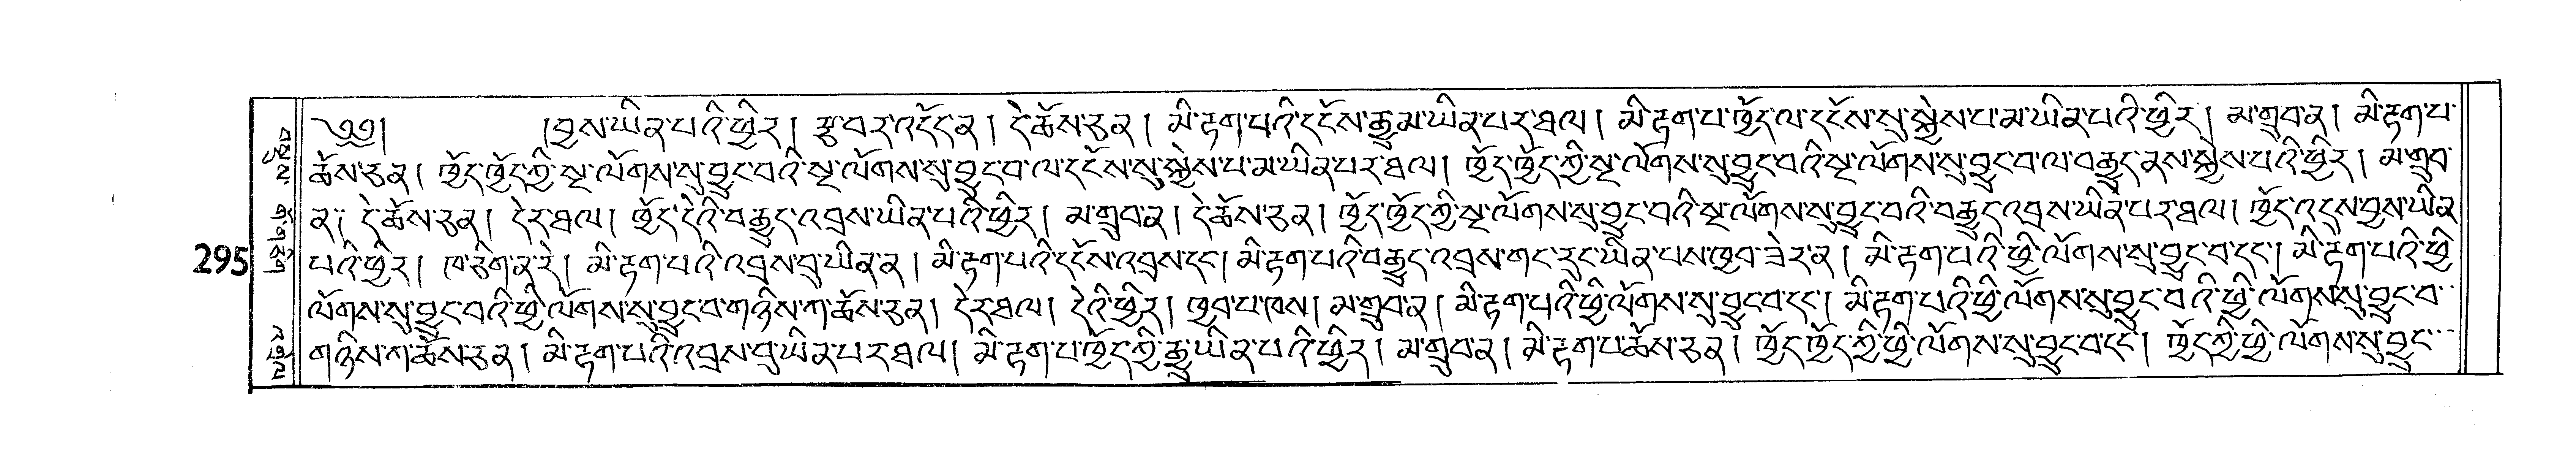༄༅། །བྱས་ཡིན་པའི་ཕྱིར། རྩ་བར་འདོད་ན། དེ་ཆོས་ཅན། མི་རྟག་པའི་དངོས་རྒྱུ་མ་ཡིན་པར་ཐལ། མི་རྟག་པ་ཁྱོད་ལ་དངོས་སུ་སྐྱེས་པ་མ་ཡིན་པའི་ཕྱིར། མ་གྲུབ་ན། མི་རྟག་པ་
ཆོས་ཅན། ཁྱོད་ཁྱོད་ཀྱི་སྔ་ལོགས་སུ་བྱུང་བའི་སྔ་ལོགས་སུ་བྱུང་བ་ལ་དངོས་སུ་སྐྱེས་པ་མ་ཡིན་པར་ཐལ། ཁྱོད་ཁྱོད་ཀྱི་སྔ་ལོགས་སུ་བྱུང་བའི་སྔ་ལོགས་སུ་བྱུང་བ་ལ་བརྒྱུད་ནས་སྐྱེས་པའི་ཕྱིར། མ་གྲུབ་
ན༑ དེ་ཆོས་ཅན། དེར་ཐལ། ཁྱོད་དེའི་བརྒྱུད་འབྲས་ཡིན་པའི་ཕྱིར། མ་གྲུབ་ན། དེ་ཆོས་ཅན། ཁྱོད་ཁྱོད་ཀྱི་སྔ་ལོགས་སུ་བྱུང་བའི་སྔ་ལོགས་སུ་བྱུང་བའི་བརྒྱུད་འབྲས་ཡིན་པར་ཐལ། ཁྱོད་འདུས་བྱས་ཡིན་
པའི་ཕྱིར། ཁ་ཅིག་ན་རེ། མི་རྟག་པའི་འབྲས་བུ་ཡིན་ན། མི་རྟག་པའི་དངོས་འབྲས་དང་། མི་རྟག་པའི་བརྒྱུད་འབྲས་གང་རུང་ཡིན་པས་ཁྱབ་ཟེར་ན། མི་རྟག་པའི་ཕྱི་ལོགས་སུ་བྱུང་བ་དང་། མི་རྟག་པའི་ཕྱིར་
ལོགས་སུ་བྱུང་བའི་ཕྱི་ལོགས་སུ་བྱུང་བ་གཉིས་ཀ་ཆོས་ཅན། དེར་ཐལ། དེའི་ཕྱིར། ཁྱབ་པ་ཁས། མ་གྲུབ་ན། མི་རྟག་པའི་ཕྱི་ལོགས་སུ་བྱུང་བ་དང་། མི་རྟག་པའི་ཕྱི་ལོགས་སུ་བྱུང་བའི་ཕྱི་ལོགས་སུ་བྱུང་བ་
གཉིས་ཀ་ཆོས་ཅན། མི་རྟག་པའི་འབྲས་བུ་ཡིན་པར་ཐལ། མི་རྟག་པ་ཁྱོད་ཀྱི་རྒྱུ་ཡིན་པའི་ཕྱིར། མ་གྲུབ་ན། མི་རྟག་པ་ཆོས་ཅན། ཁྱོད་ཁྱོད་ཀྱི་ཕྱི་ལོགས་སུ་བྱུང་བ་དང་། ཁྱོད་ཀྱི་ཕྱི་ལོགས་སུ་བྱུང་